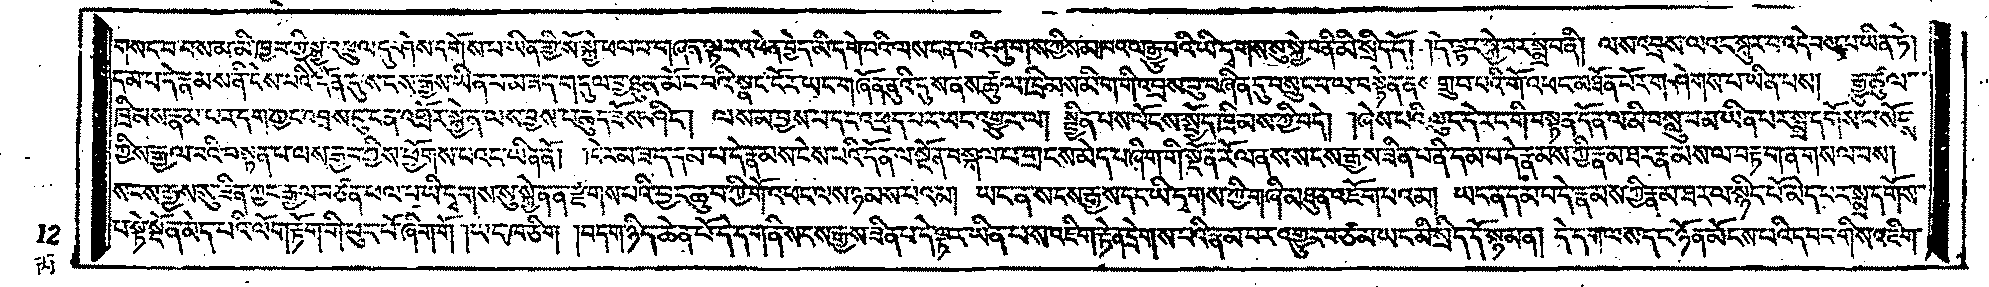གསང་བ་བསམ་མི་ཁྱབ་ཀྱི་སྒྱུ་འཕྲུལ་དུ་ཤེས་དགོས་པ་ཡིན་གྱི་སོ་སྐྱེ་ཕལ་པ་གཞན་ལྟར་འཕེན་བྱེད་མི་དགེ་བའི་ལས་ངན་པའི་ཤུགས་ཀྱིས་མཁའ་ལ་རྒྱུ་བའི་ཡི་དྭགས་སུ་སྐྱེ་བ་ནི་མི་སྲིད་དོ། །དེ་ལྟར་སྐྱེ་བར་སྨྲ་བ་ནི། ལས་འབྲས་ལའང་སྐུར་བ་འདེབས་པ་ཡིན་ཏེ།
དམ་པ་དེ་རྣམས་ནི་ངེས་པའི་དོན་དུ་སངས་རྒྱས་ཡིན་པ་མ་ཟད་གདུལ་བྱ་ཐུན་མོང་བའི་སྣང་ངོར་ཡང་གཞོན་ནུའི་དུས་ནས་ཚུལ་ཁྲིམས་མིག་གི་འབྲས་བུ་བཞིན་དུ་བསྲུང་པ་ལ་བསྟེན་ནས་གྲུབ་པའི་གོ་འཕང་མཐོན་པོར་གཤེགས་པ་ཡིན་པས། རྒྱུ་ཚུལ་
ཁྲིམས་རྣམ་པར་དག་ཀྱང་འབྲས་བུ་ངན་འགྲོར་སྐྱེ་ན་ལས་བྱས་པ་ཆུད་ཟོས་ཤིང་། ལས་མ་བྱས་པ་དང་འཕྲད་པར་ཡང་འགྱུར་ལ། སྦྱིན་པས་ལོངས་སྤྱོད་ཁྲིམས་ཀྱི་བདེ། །ཞེས་པའི་ལུང་དེ་རང་གི་བསྟན་དོན་ལ་མི་བསླུ་བ་མ་ཡིན་པར་སྨྲ་དགོས་པ་སོགས་
ཀྱིས་རྒྱལ་བའི་བསྟན་པ་ལས་རྒྱབ་ཀྱིས་ཕྱོགས་པའང་ཡིན་ནོ། །དེར་མ་ཟད་དམ་པ་དེ་རྣམས་ངེས་པའི་དོན་ལ་སྔོན་བསྐལ་པ་གྲངས་མེད་པ་ཞིག་གི་སྔོན་རོལ་ནས་སངས་རྒྱས་ཟིན་པ་ནི་དམ་པ་དེ་རྣམས་ཀྱི་རྣམ་ཐར་རྣམས་ལ་བརྟག་ན་གསལ་བས།
སངས་རྒྱས་སུ་ཟིན་ཀྱང་རྒྱལ་བཙན་ཕལ་པ་ཡི་དྭགས་སུ་སྐྱེ་ན་ན་རྫོགས་པའི་བྱང་ཆུབ་ཀྱི་གོ་འཕང་ལས་ཉམས་པའམ། ཡང་ན་སངས་རྒྱས་དང་ཡི་དྭགས་ཀྱི་གཞི་མཐུན་འཇོག་པའམ། ཡང་ན་དམ་པ་དེ་རྣམས་ཀྱི་རྣམ་ཐར་ལ་སྙིང་པོ་མེད་པར་སྨྲ་དགོས་
པ་སྟེ་སྔོན་མེད་པའི་ལོག་རྟོག་གི་ཕུང་པོ་ཞིག་གོ །ཡང་ཁ་ཅིག །བདག་ཉིད་ཆེན་པོ་དེ་དག་ནི་སངས་རྒྱས་ཟིན་པ་དེ་ལྟར་ཡིན་པས་འཇིག་རྟེན་དྲེགས་པའི་རྣམ་པར་འགྱུར་བ་ཙམ་ཡང་མི་སྲིད་དོ་སྙམ་ན། དེ་དག་ལས་དང་ཉོན་མོངས་པའི་དབང་གིས་འཇིག་